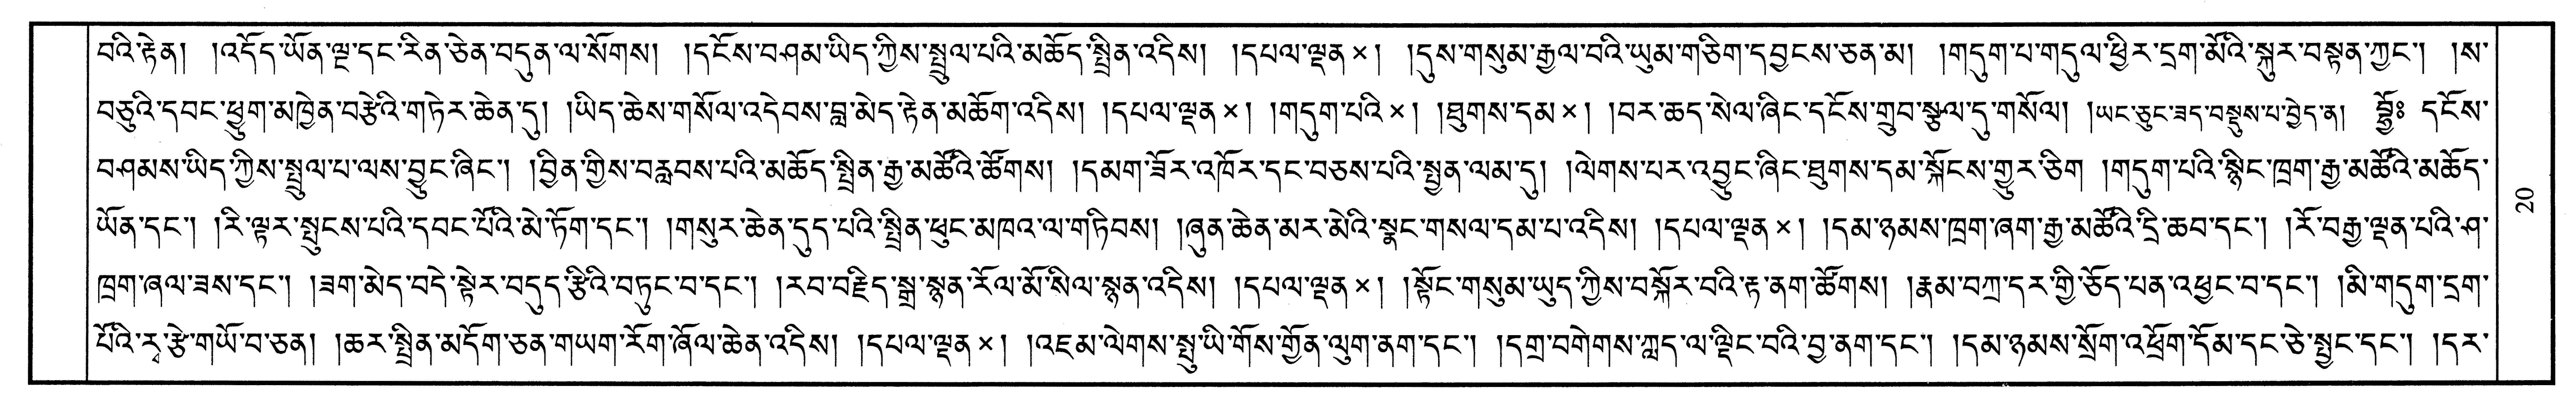བའི་རྟེན། །འདོད་ཡོན་ལྔ་དང་རིན་ཅེན་བདུན་ལ་སོགས། །དངོས་བཤམ་ཡིད་ཀྱིས་སྤྲུལ་པའི་མཆོག་སྤྲིན་འདིས། །དཔལ་ལྡན་྾། །དུས་གསུམ་རྒྱལ་བའི་ཡུམ་གཅིག་དབྱངས་ཅན་མ། །གདུག་པ་གདུལ་ཕྱིར་དྲག་མོའི་སྐུར་བསྟན་ཀྱང་། །ས་
བཅུའི་དབང་ཕྱུག་མཁྱེན་བརྩེའི་གཏེར་ཆེན་དུ། །ཡིད་ཆེས་གསོལ་འདེབས་བླ་མེད་རྟེན་མཆོག་འདིས། །དཔལ་ལྡན་྾། །གདུག་པའི་྾། །ཐུགས་དམ་྾། །བར་ཆད་སེལ་ཞིང་དངོས་གྲུབ་སྩལ་དུ་གསོལ། །ཡང་ཅུང་ཟད་བསྡུས་པ་བྱེད་ན། བྷྱོཿ དངོས་
བཤམས་ཡིད་ཀྱིས་སྤྲུལ་པ་ལས་བྱུང་ཞིང་། །བྱིན་གྱིས་བརླབས་པའི་མཆོད་སྤྲིན་རྒྱ་མཚོའི་ཚོགས། །དམག་ཟོར་འཁོར་དང་བཅས་པའི་སྤྱན་ལམ་དུ། །ལེགས་པར་འབྱུང་ཞིང་ཐུགས་དམ་སྐོངས་གྱུར་ཅིག །གདུག་པའི་སྙིང་ཁྲག་རྒྱ་མཚོའི་མཆོད་
ཡོན་དང་། །རི་ལྟར་སྤུངས་པའི་དབང་པོའི་མེ་ཏོག་དང་། །གསུར་ཆེན་དུད་པའི་སྤྲིན་ཕུང་མཁའ་ལ་གཏིབས། །ཞུན་ཆེན་མར་མེའི་སྣང་གསལ་དམ་པ་འདིས། །དཔལ་ལྡན་྾། །དམ་ཉམས་ཁྲག་ཞག་རྒྱ་མཚོའི་དྲི་ཆབ་དང་། །རོ་བརྒྱ་ལྡན་པའི་ཤ་
ཁྲག་ཞལ་ཟས་དང་། །ཟག་མེད་བདེ་སྟེར་བདུད་རྩིའི་བཏུང་བ་དང་། །རབ་བརྗིད་སྒྲ་སྙན་རོལ་མོ་སིལ་སྙན་འདིས། །དཔལ་ལྡན་྾། །སྟོང་གསུམ་ཡུད་ཀྱིས་བསྐོར་བའི་རྟ་ནག་ཚོགས། །རྣམ་བཀྲ་དར་གྱི་ཅོད་པན་འཕྱང་བ་དང་། །མི་གདུག་དྲག་
པོའི་རྭ་རྩེ་གཡོ་བ་ཅན། །ཆར་སྤྲིན་མདོག་ཅན་གཡག་རོག་ཞོལ་ཆེན་འདིས། །དཔལ་ལྡན་྾། །འཇམ་ལེགས་སྤུ་ཡི་གོས་གྱོན་ལུག་ནག་དང་། །དགྲ་བགེགས་ཀླད་ལ་ལྡིང་བའི་བྱ་ནག་དང་། །དམ་ཉམས་སྲོག་འཕྲོག་དོམ་དང་ཅེ་སྤྱང་དང་། །དར་